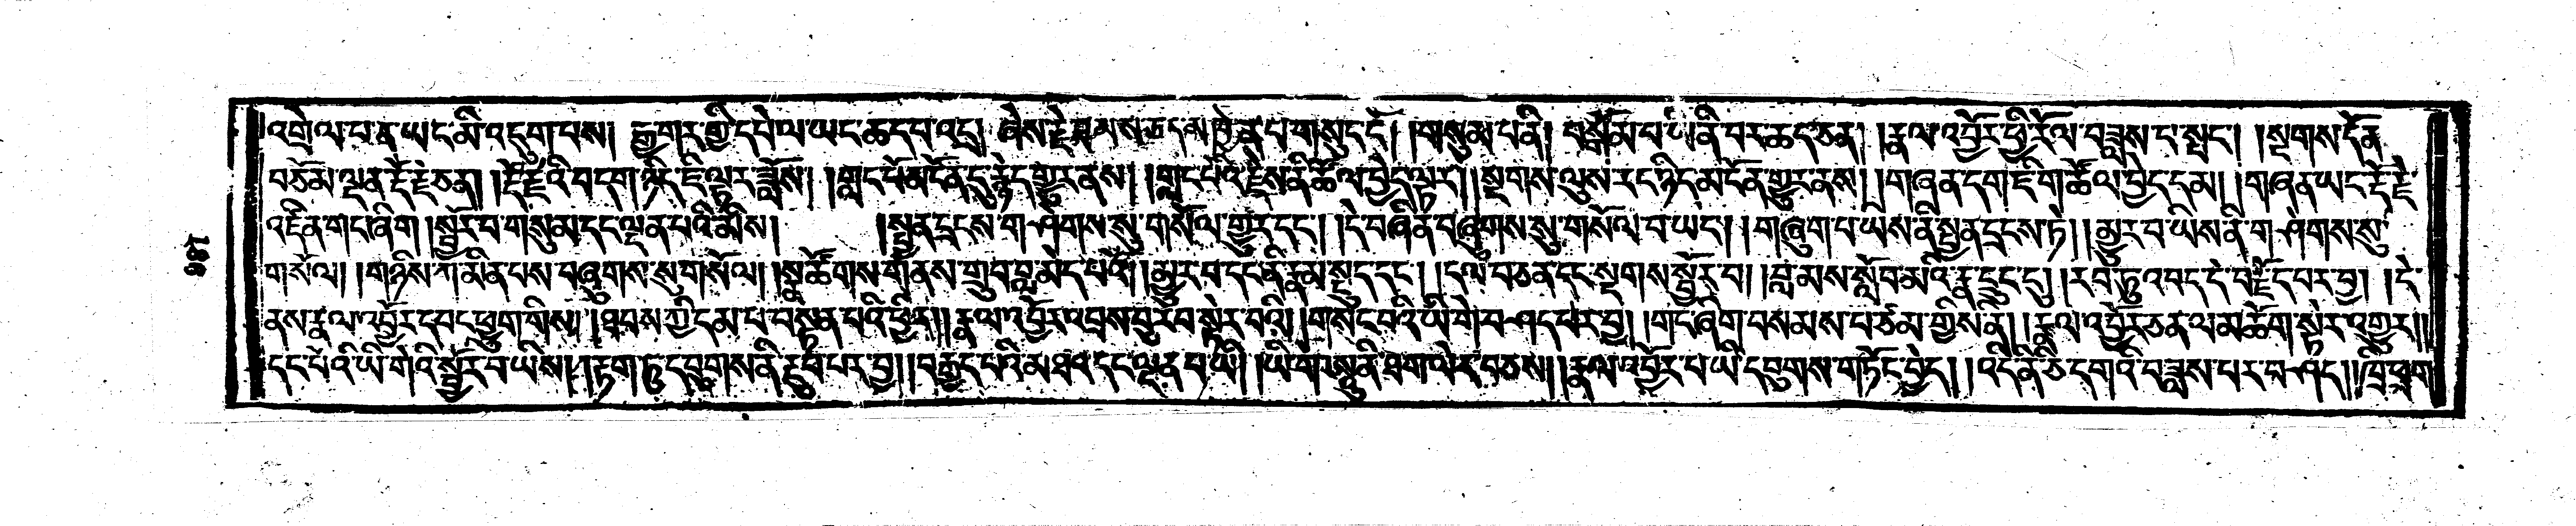འགྲེལ་པ་ན་ཡང་མི་འདུག་པས། རྒྱ་གར་གྱི་དཔེ་ལ་ཡང་ཆད་པ་འདྲ། ཞེས་རྗེ་ཐམས་ཅད་མཁྱེན་པ་གསུང་ངོ། །གསུམ་པ་ནི། བསྒོམ་པ་ཡི་ནི་བར་ཆད་ཅན། །རྣལ་འབྱོར་ཕྱི་རོལ་བཟླས་པ་སྤང་། །སྔགས་དོན་
བཅོམ་ལྡན་རྡོ་རྗེ་ཅན། །རྡོ་རྗེའི་བདག་ཉིད་ཇི་ལྟར་ཟློས། །གླང་པོ་མངོན་དུ་རྙེད་གྱུར་ནས། །གླང་པོའི་རྗེས་ནི་ཚོལ་བྱེད་ལྟར། །སྔགས་ལུས་རང་ཉིད་མངོན་གྱུར་ནས། །གཞན་དག་ཇི་ག་ཚོལ་བྱེད་དམ། །གཞན་ཡང་རྡོ་རྗེ་
འཛིན་གང་ཞིག །སྦྱོར་བ་གསུམ་དང་ལྡན་པའི་མིས། །སྤྱན་དྲངས་གཤེགས་སུ་གསོལ་གྱུར་དང་། །དེ་བཞིན་བཞུགས་སུ་གསོལ་བ་ཡང་། །གཞུག་པ་ཡིས་ནི་སྤྱན་དྲངས་ཏེ། །མྱུར་བ་ཡིས་ནི་གཤེགས་སུ་
གསོལ། །གཉིས་ཀ་མིན་པས་བཞུགས་སུ་གསོལ། །སྣ་ཚོགས་གནས་གྲུབ་བླ་མེད་པའོ། །མྱུར་བ་དང་ནི་རྣམ་སྡུད་དང་། །དལ་བ་ཅན་དང་སྔགས་སྦྱོར་བ། །བླ་མས་སློབ་མའི་རྣ་དྲུང་དུ། །རབ་ཏུ་འབད་དེ་བརྗོད་པར་བྱ། །དེ་
ནས་རྣལ་འབྱོར་དབང་ཕྱུག་གིས། །ཐབས་ཀྱི་དམ་པ་བསྟན་པའི་ཕྱིར། །རྣལ་འབྱོར་འབྲས་བུ་རབ་སྟེར་བའི། །གསང་བའི་ཡི་གེ་བཤད་པར་བྱ། །གང་ཞིག་བསམས་པ་ཙམ་གྱིས་ནི། །རྣལ་འབྱོར་ཅན་ལ་མཆོག་སྟེར་འགྱུར། །
དང་པོའི་ཡི་གེའི་སྦྱོར་བ་ཡིས། །རྟག་ཏུ་དབུགས་ནི་རྔུབ་པར་བྱ། །བརྒྱད་པའི་མཐའ་དང་ལྡན་པ་ཡི། །ཡི་གེ་ཨཱུ་ནི་ཐིག་ལེར་བཅས། །རྣལ་འབྱོར་པ་ཡི་དབུགས་གཏོང་བྱེད། །འདི་ནི་ཅི་དགའི་བཟླས་པར་བཤད། །ཁྲི་ཕྲག་